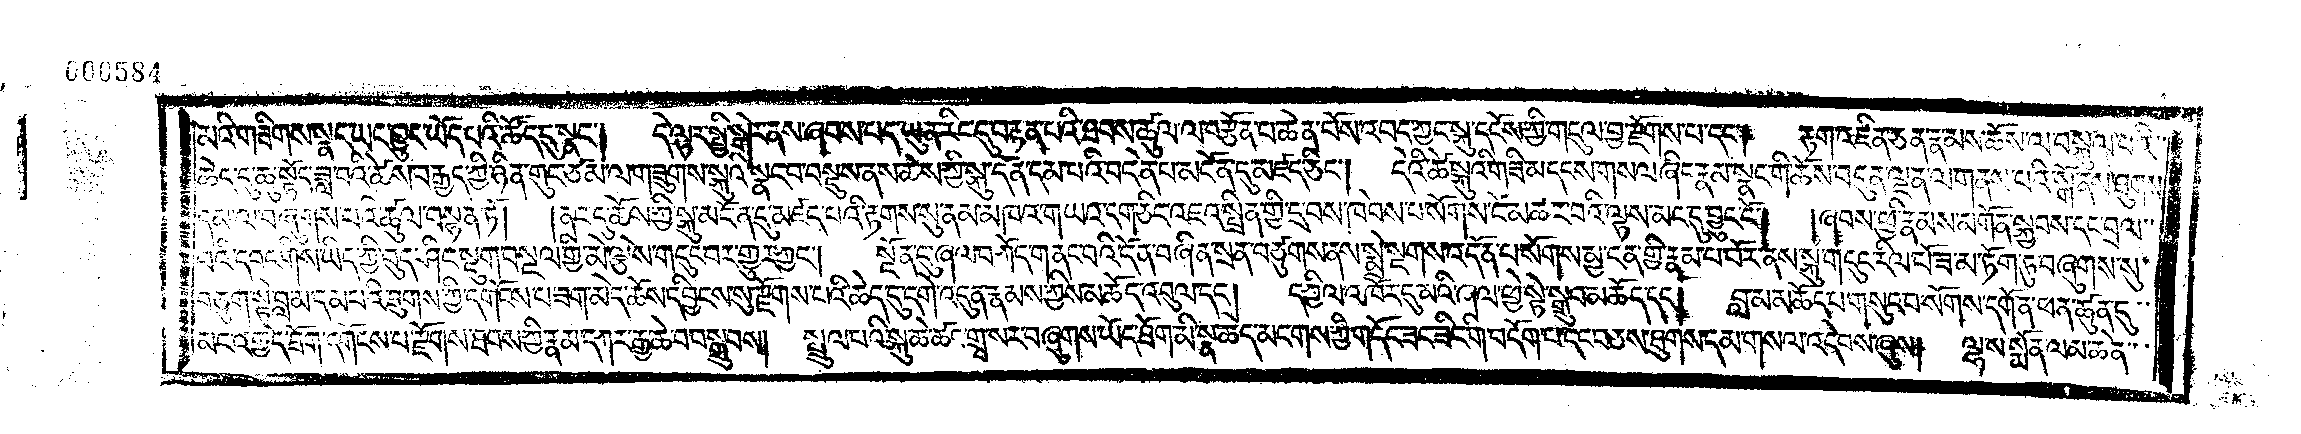མའི་གཟིགས་སྣང་ཡང་བྱུང་ཡོད་པའི་ཚོད་དུ་སྣང་། དེ་ལྟར་སྤྱི་སྒེར་ནས་ཞབས་པད་ཡུན་རིང་དུ་བརྟན་པའི་ཐབས་ཚུལ་ལ་བརྩོན་པ་ཆེན་པོས་འབད་ཀྱང་སྐུ་དངོས་ཀྱི་གདུལ་བྱ་རྫོགས་པ་དང་། རྟག་འཛིན་ཅན་རྣམས་ཆོས་ལ་བསྐུལ་བའི་
ཆེད་དུ་ཆུ་སྟོང་ཟླ་བའི་ཚེས་བརྒྱད་ཀྱི་ཉིན་གུང་ཙམ་ལ་གཟུགས་སྐུའི་སྣང་བ་བསྡུས་ནས་ཆོས་ཀྱི་སྐུ་དོན་དམ་པའི་བདེན་པ་མངོན་དུ་མཛད་ཅིང་། དེའི་ཚེ་སྐུའི་གཟི་མདངས་གསལ་ཞིང་རྣམ་སྣང་གི་ཆོས་བདུན་ལྡན་ལ་གནས་པའི་སྒོ་ནས་ཐུགས་
དམ་ལ་བཞུགས་པའི་ཚུལ་བསྟན་ཏོ། །ནང་དུ་ཆོས་ཀྱི་སྐུ་མངོན་དུ་མཛད་པའི་རྟགས་སུ་ནམ་མཁའ་གཡའ་དག་ཅིང་འཇའ་སྤྲིན་གྱི་དྲ་བས་ཁེབས་པ་སོགས་ངོ་མཚར་བའི་ལྟས་མང་དུ་བྱུང་ངོ། །ཞབས་ཕྱི་རྣམས་མགོན་སྐྱབས་དང་བྲལ་
བའི་དབང་གིས་ཡིད་ཀྱི་བུད་ཤིང་སྡུག་བསྔལ་གྱི་མེ་ལྕེས་གདུང་བར་གྱུར་ཀྱང་། སྔོན་དུ་ཞལ་བཀོད་གནང་པའི་དོན་བཞིན་སྲན་བཙུགས་ནས་སྨྲེ་སྔགས་འདོན་པ་སོགས་མྱ་ངན་གྱི་རྣམ་པ་བོར་ནས་སྐུ་གདུང་རིལ་པོ་ཟ་མ་ཏོག་ཏུ་བཞུགས་སུ་
བཅུག་སྟེ་བླ་མ་དམ་པའི་ཐུགས་ཀྱི་དགོངས་པ་ཟག་མེད་ཆོས་དབྱིངས་སུ་རྫོགས་པའི་ཆེད་དུ་དགེ་འདུན་རྣམས་ཀྱིས་མཆོད་འབུལ་དང་། དཀྱིལ་འཁོར་དུ་མའི་ཞལ་ཕྱེ་སྟེ་སྒྲུབ་མཆོད་དང་། བླ་མ་མཆོད་པ་གསུང་བ་སོགས་དགོན་ཕན་ཚུན་དུ་
མང་འགྱེད་ཐོག་དགོངས་པ་རྫོགས་ཐབས་ཀྱི་རྣམ་དཀར་རྒྱ་ཆེ་བ་བསྒྲུབས། སྤྲུལ་པའི་སྐུ་ཆེ་ཚང་གྲྭ་སར་བཞུགས་ཡོང་ཐོག་མི་སྣ་ཆེད་མངགས་ཀྱི་གདོང་ཟང་ཟིང་གི་བདོག་པ་དང་བཅས་ཐུགས་དམ་གསལ་འདེབས་ཞུས། ལྷ་ས་སྨོན་ལམ་ཆེན་